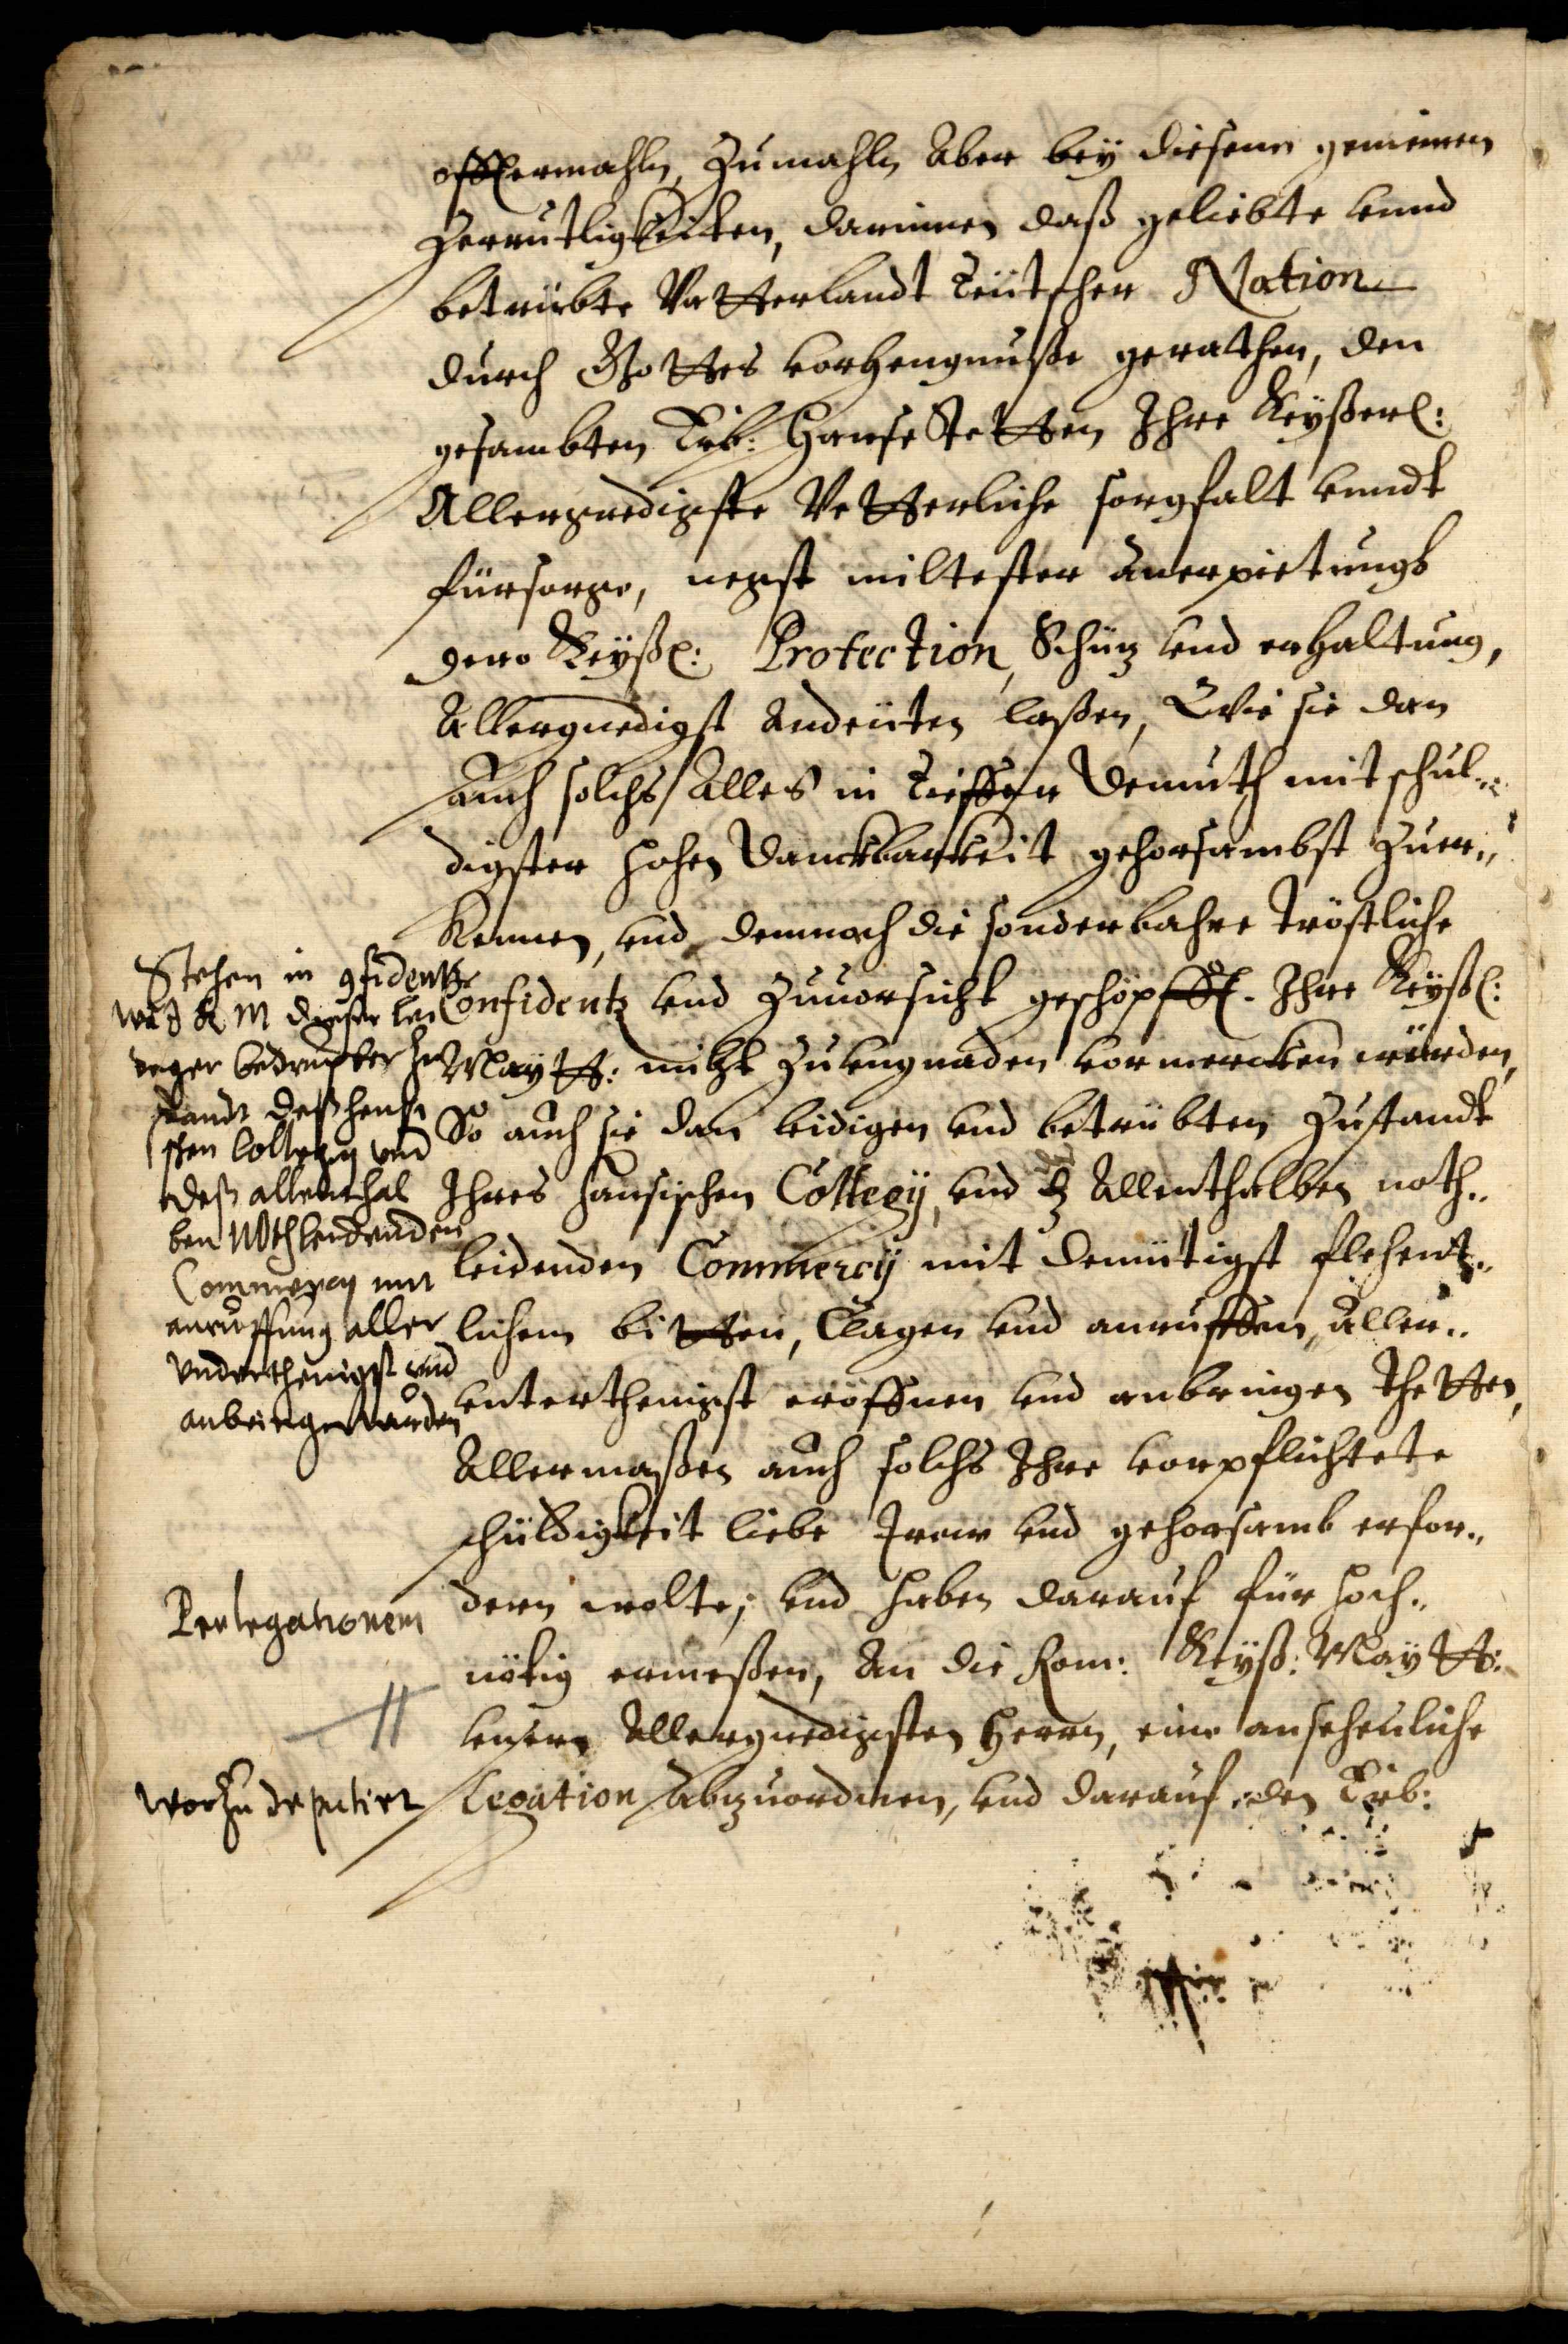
Stehen in gfidentz
wē I K M dieser lei
deger bedrupker Zu
standt deß hense
schen Collegy vnd
deß allenthal
ben Nothleidenden
Commercey mit
anruffung aller
vnderthenigst vnd
anbringen wurden
Perlegationem
woezu deputier
offtermahln, zumahln aber beij diesenn gemeinen
zerrutligkeiten, darinnen daß geliebte vnnd
betrübte Vatterlandt Teütscher Nation
durch Gottes vorhengunste gerathen, den
gesambten Erb : Hanse Stetten Ihre Keijßerl:
Allergnedigste Vetterliche sorgfalt vnndt
fürsorge, negst miltester anerpietungh
dero Keijßl: Protection, Schüzz vnd erhaltung,
allergnedigst andeüten laßen, Wie sie dan
auch solchs alles in tieffer Demuth mit schul¬
digster hohen Danckbarkeit gehorsambst zuer¬
kennen, vnd demnach die sonderbahre tröstliche
Confidentz vnd zuvorsicht geschöpfft Ihre Keijßl:
Maijtt: nicht zuvngnaden vormercken werden,
So auch sie dan leidigen vnd betrübten zustandt
Ihres hansischen Collegij, vnd des allenthalben noth¬
leidenden Commercij mit demütigst flehent¬
lichem bitten, Clagen vnd anruffen aller¬
vnterthenigst eröffnen vnd anbringen thetten,
allermaßen auch solchs Ihre verpflichtete
schüldigkeit liebe Trow vnd gehorsamb erfor¬
dern wolte, vnd haben darauf für hoch¬
nötig ermeßen, an die Rom: Keijß: Maijtt:
vnsern allergnedigsten Herrn, eine ansehenliche
Legation abtzuordnen, vnd darauf den Erb:
